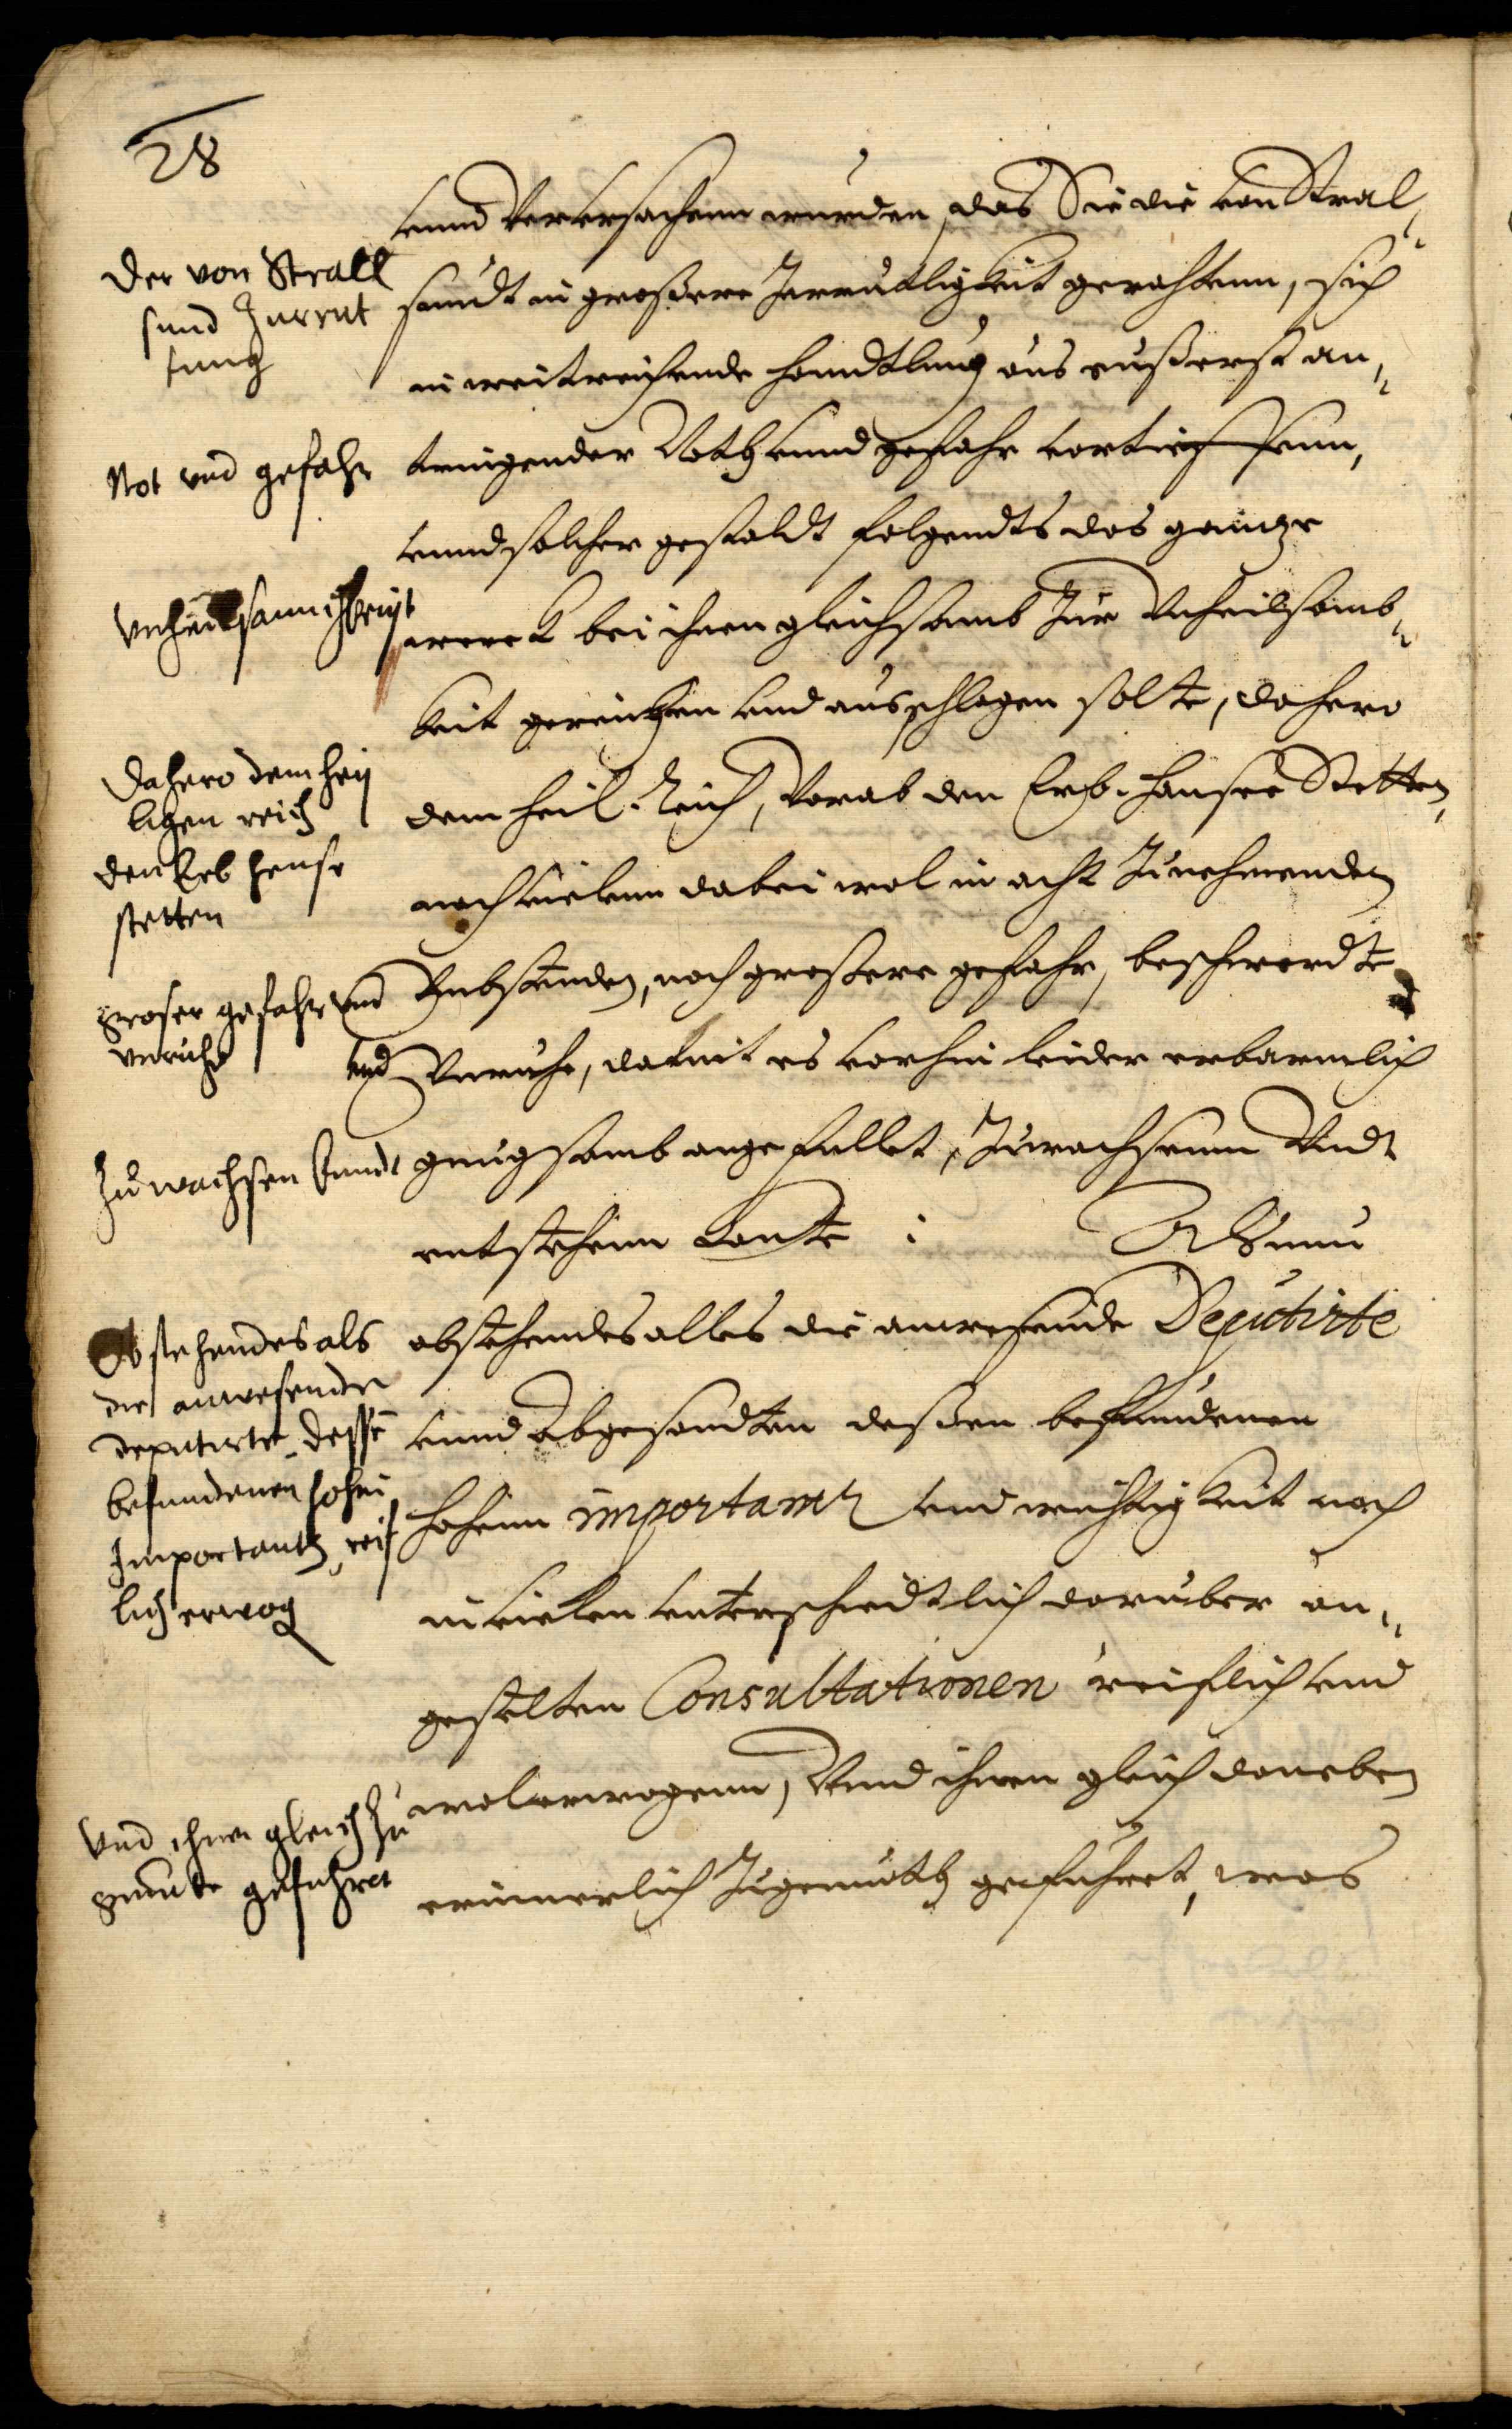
28
vnnd Vervrsachenn wurden, das Sie die von Stral¬
sundt in großere Zerrutligkeit gerahtenn, sich
in weitreichende handtlung aus eußerst an¬
tringender Noth vnnd gefahr vortieffenn,
vnnd solcher gestaldt folgendts das gantze
werck bei ihnen gleichsamb zur Vnheilsamb¬
keit gereichen vnd ausschlagen solte, dahero
dem heil. Reich, Vorab den Erb. hansee Stetten,
nach vielenn dabei wol in acht zu nehmenden
Vmbstenden, noch großerer gefahr, beschwerdten
vnd Vnruhe, damit es vorhin leider erbarmlich
gnugsamb angefullet, zuwachsen Vndt
entstehenn konte: Als nun
obstehendes alles die anwesende Deputirte
unnd Abgesandten deßen befundenen
hohenn importantz vnd wichtigkeit nach
in vielen vnterschiedtlich daruber an¬
gestelten Consultationen reiflich vnd
wolerwogenn, vnnd ihnen gleich daneben
erinnerlich zugemuth gefuhret, was
der von Strall
sund zurrut
tung
Not vnd gefahr
Vnheilsamigkeijt
dahero dem heij
ligen reich
den Erb hense
stetten
groser gefahr vnd
vnruhe
zuwachsen vnndt
Obstehendes als
die anwesenden
deputirte dessen
befundenen hohen
Importantz reif
lich erwogen
Vnd ihnen gleich zu
gemute gefuhret
